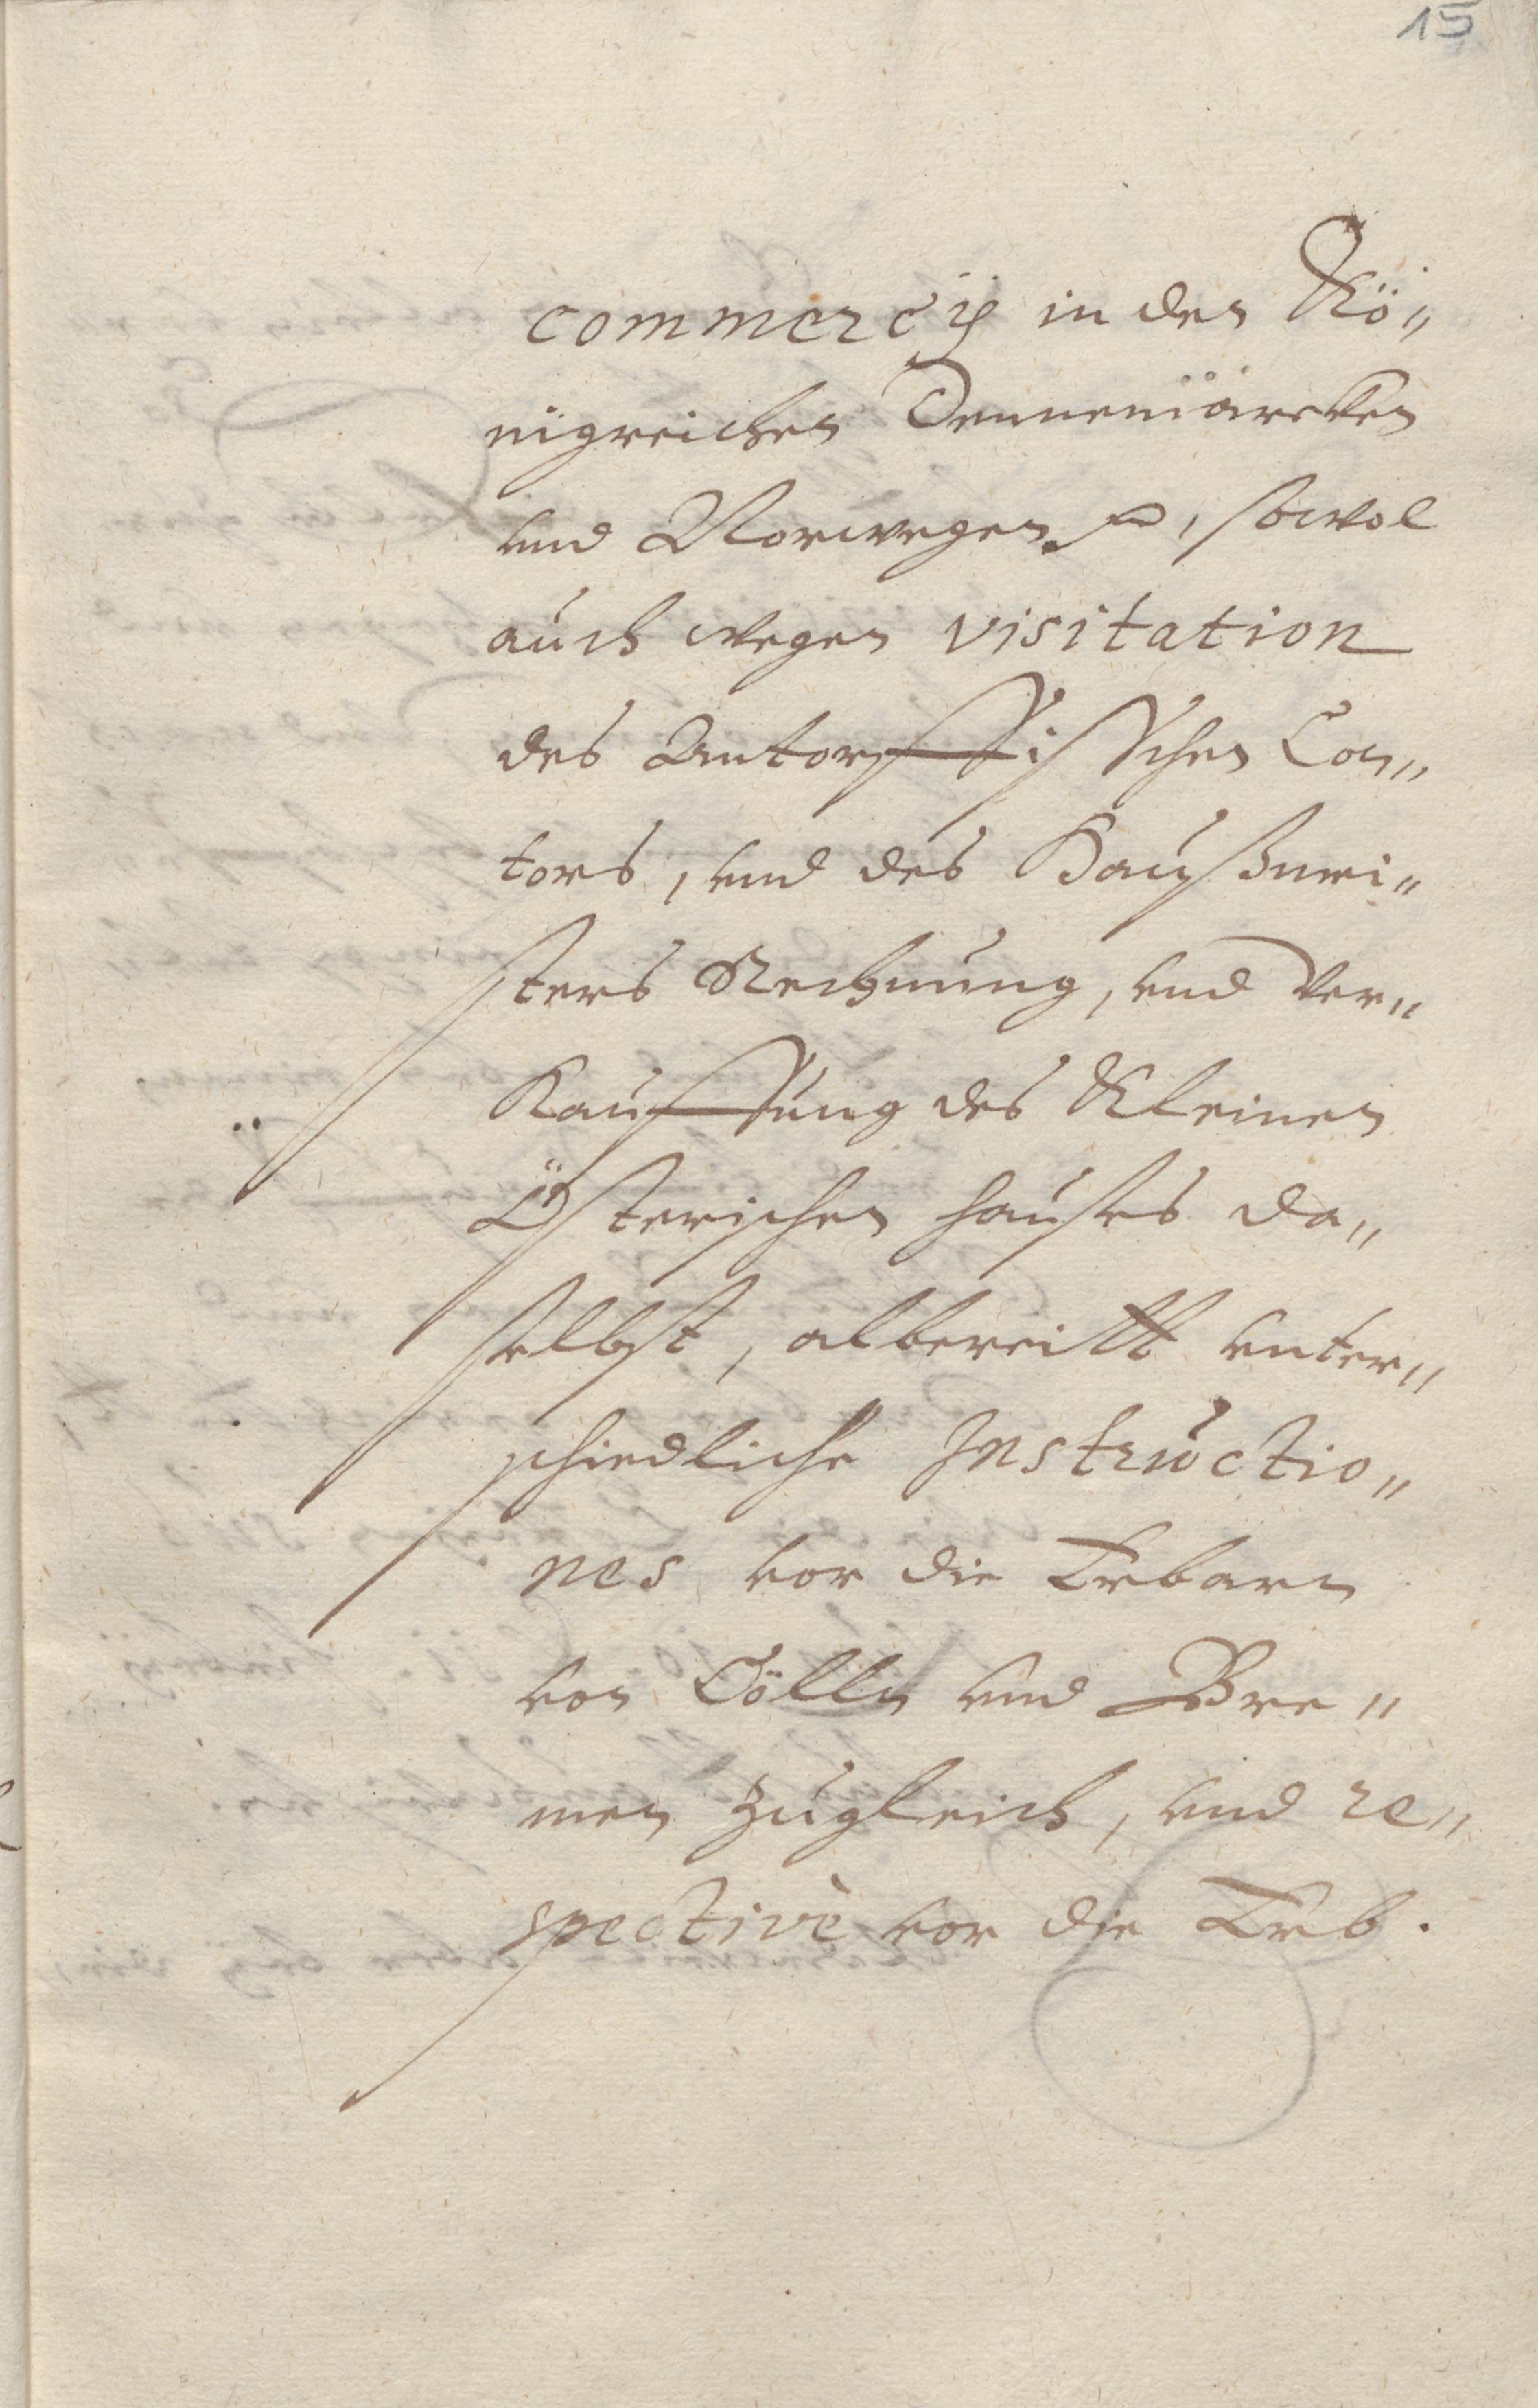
commercij in den Kö¬
nigreichen Dennemarcken
vnd Norwegen p, sowol
auch wegen visitation
des Antorffischen Con¬
tors, vnd des Haußmei¬
sters Rechnung, vnd ver¬
kauffung des Kleinen
Österischen hauses da¬
selbst, albereitt vnter¬
schiedliche Instructio¬
nes, vor die Erbarn
von Cölln vnd Bre¬
men zugleich, vnd re¬
spective vor die Erb.
